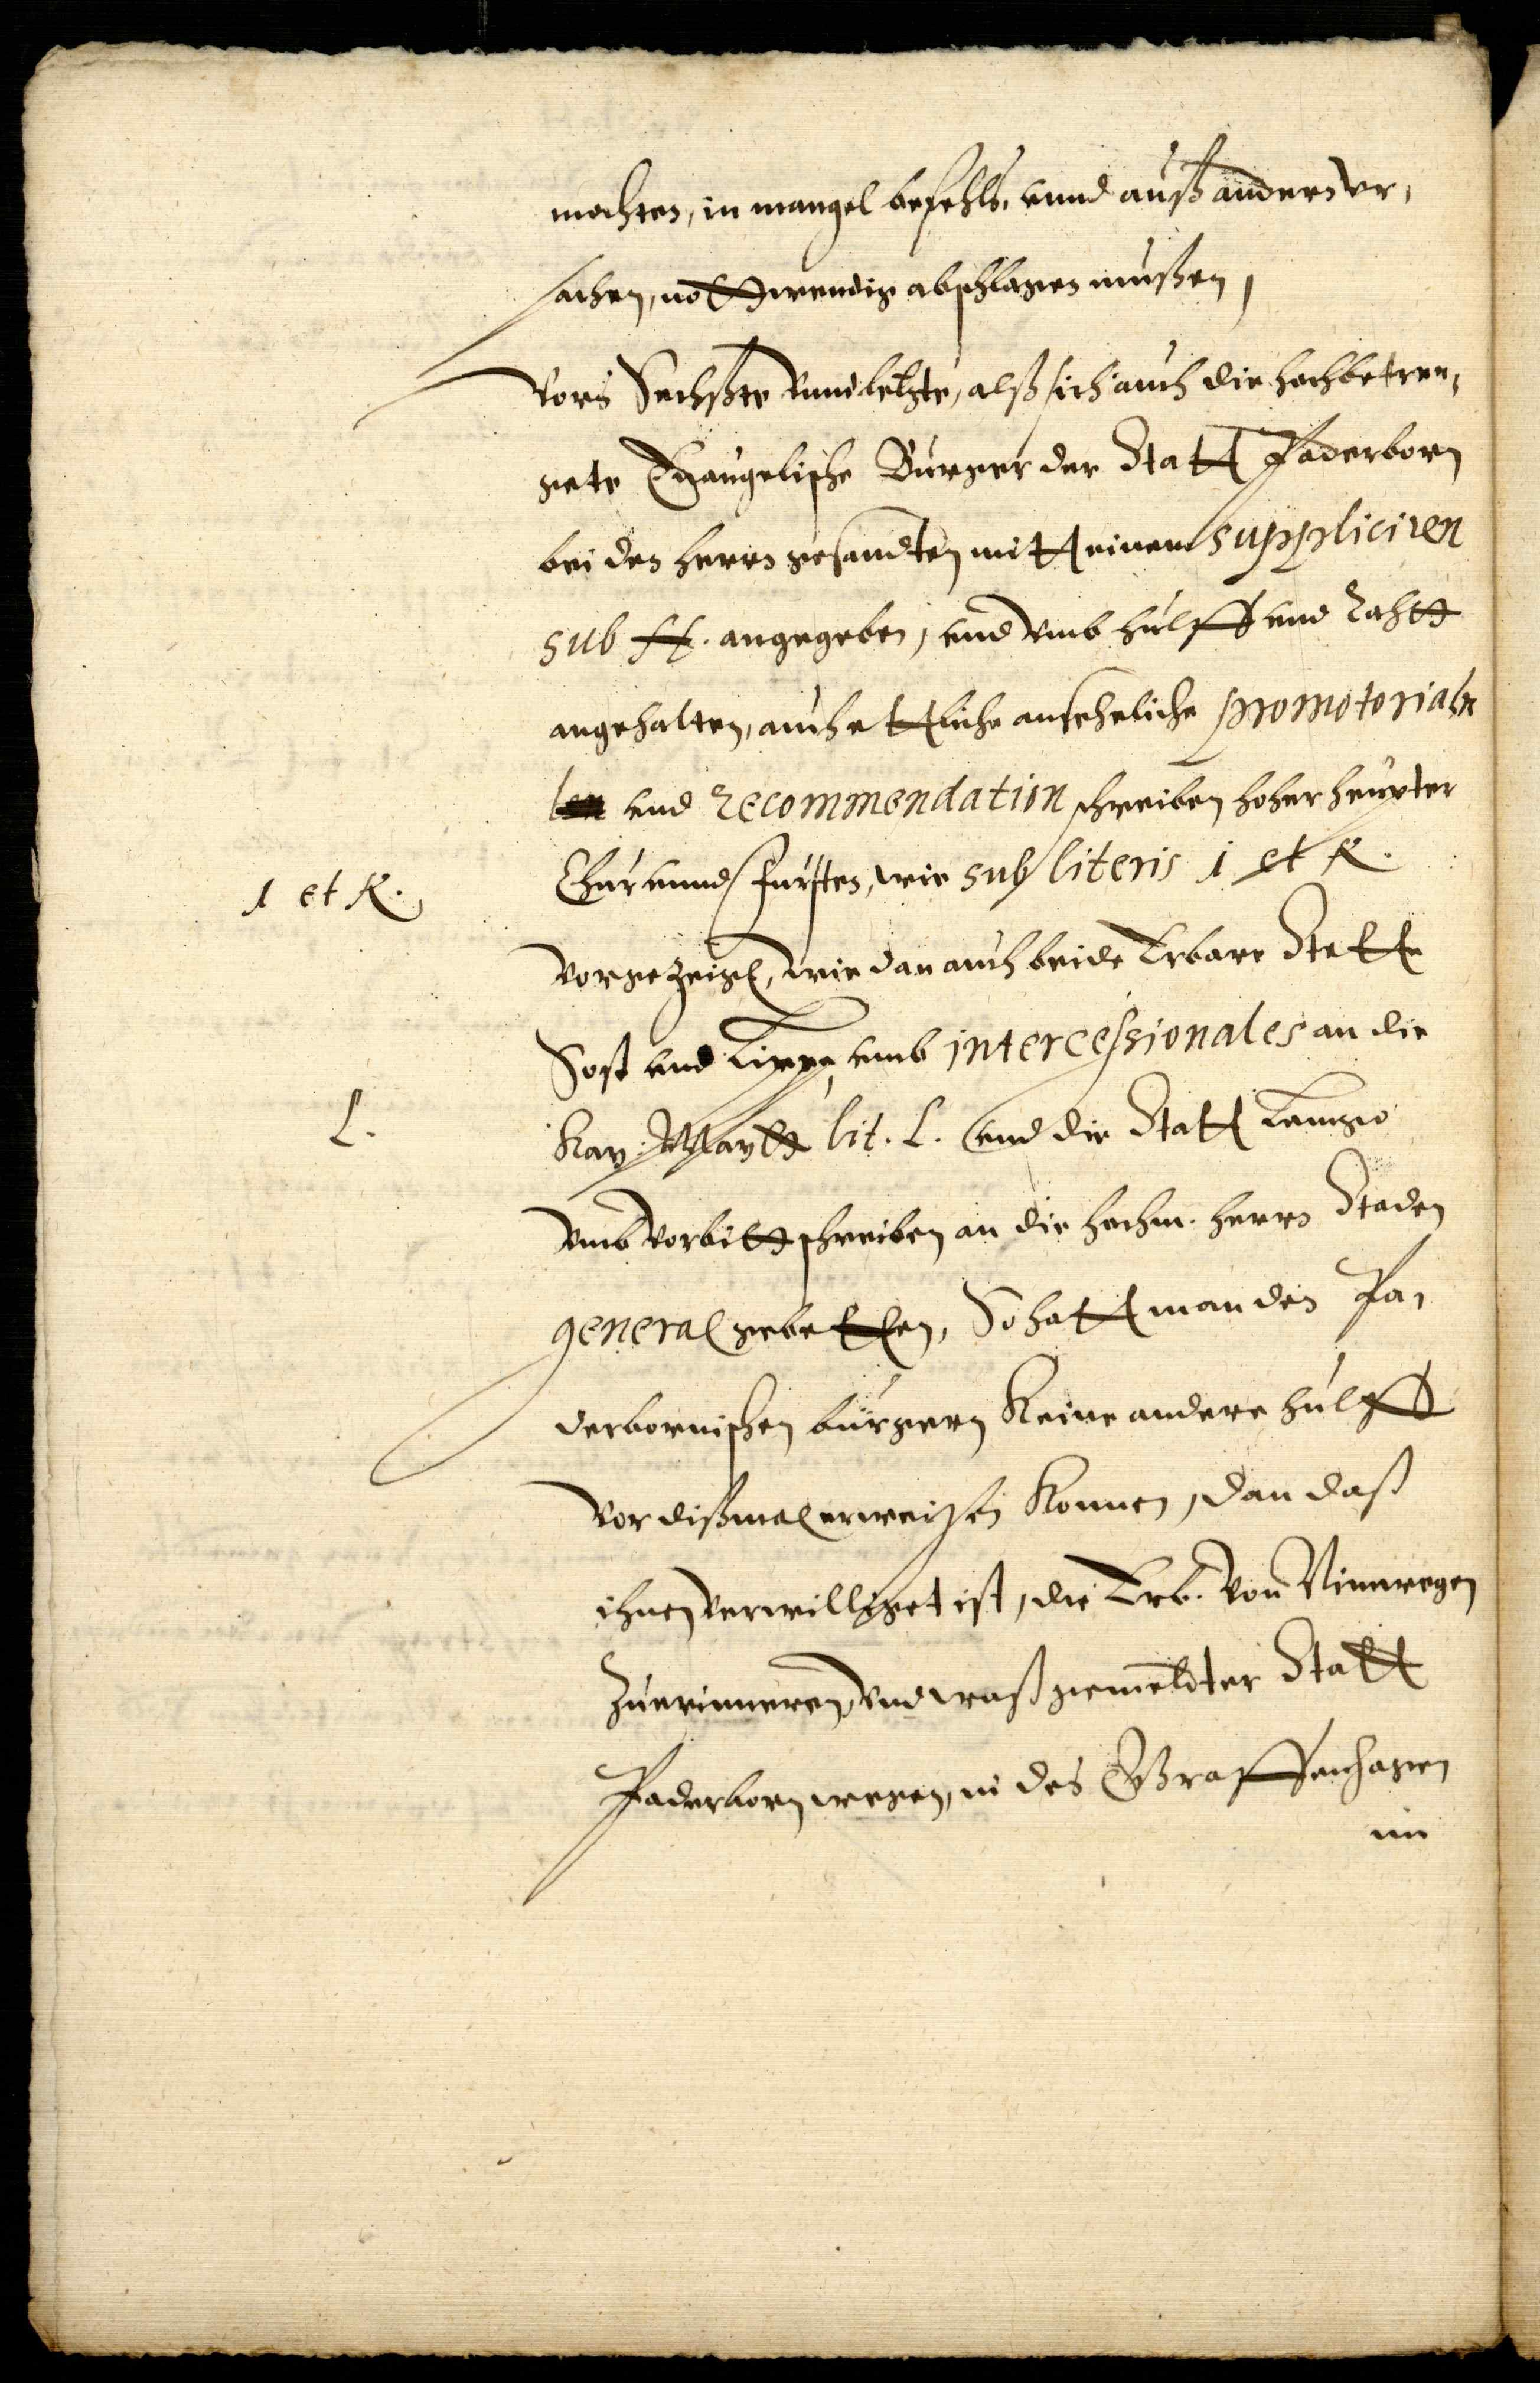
machten, in mangel befehls, vnnd auß andern vr¬
sachen, nottwendig abschlagen mußen,
Vors Sechßte vnnd letzte, alß sich auch die hochbetren¬
gete Euangelische Burger der Statt Paderborn
bei den herrn gesandten mitt einem suppliciren
sub H. angegeben, vnd vmb hulff vnd rahtt
angehalten, auch ettliche anseheliche promotorialn
len vnd recommendation schreiben hoher heupter
Chur vnnd Fursten, wie sub literis I et K
vorgezeigt, wie dan auch beide Erbare Stette
Sost und Lippe vmb intercessionales an die
Kay: Maytt lit. L. vnd die Statt Lemgo
vmb vorbittschreiben an die hochm. herrn Staden
general gebetten, So hatt man den Pa¬
derbornischen borgern keine andere hulff
vor dißmal erweisen konnen, dan daß
ihnen verwilliget ist, die Erb. von Nimwegen
zuerinneren, vnd waß gemeldter Statt
Paderborn wegen, in des Graffenhagen
im
I et K.
L.
